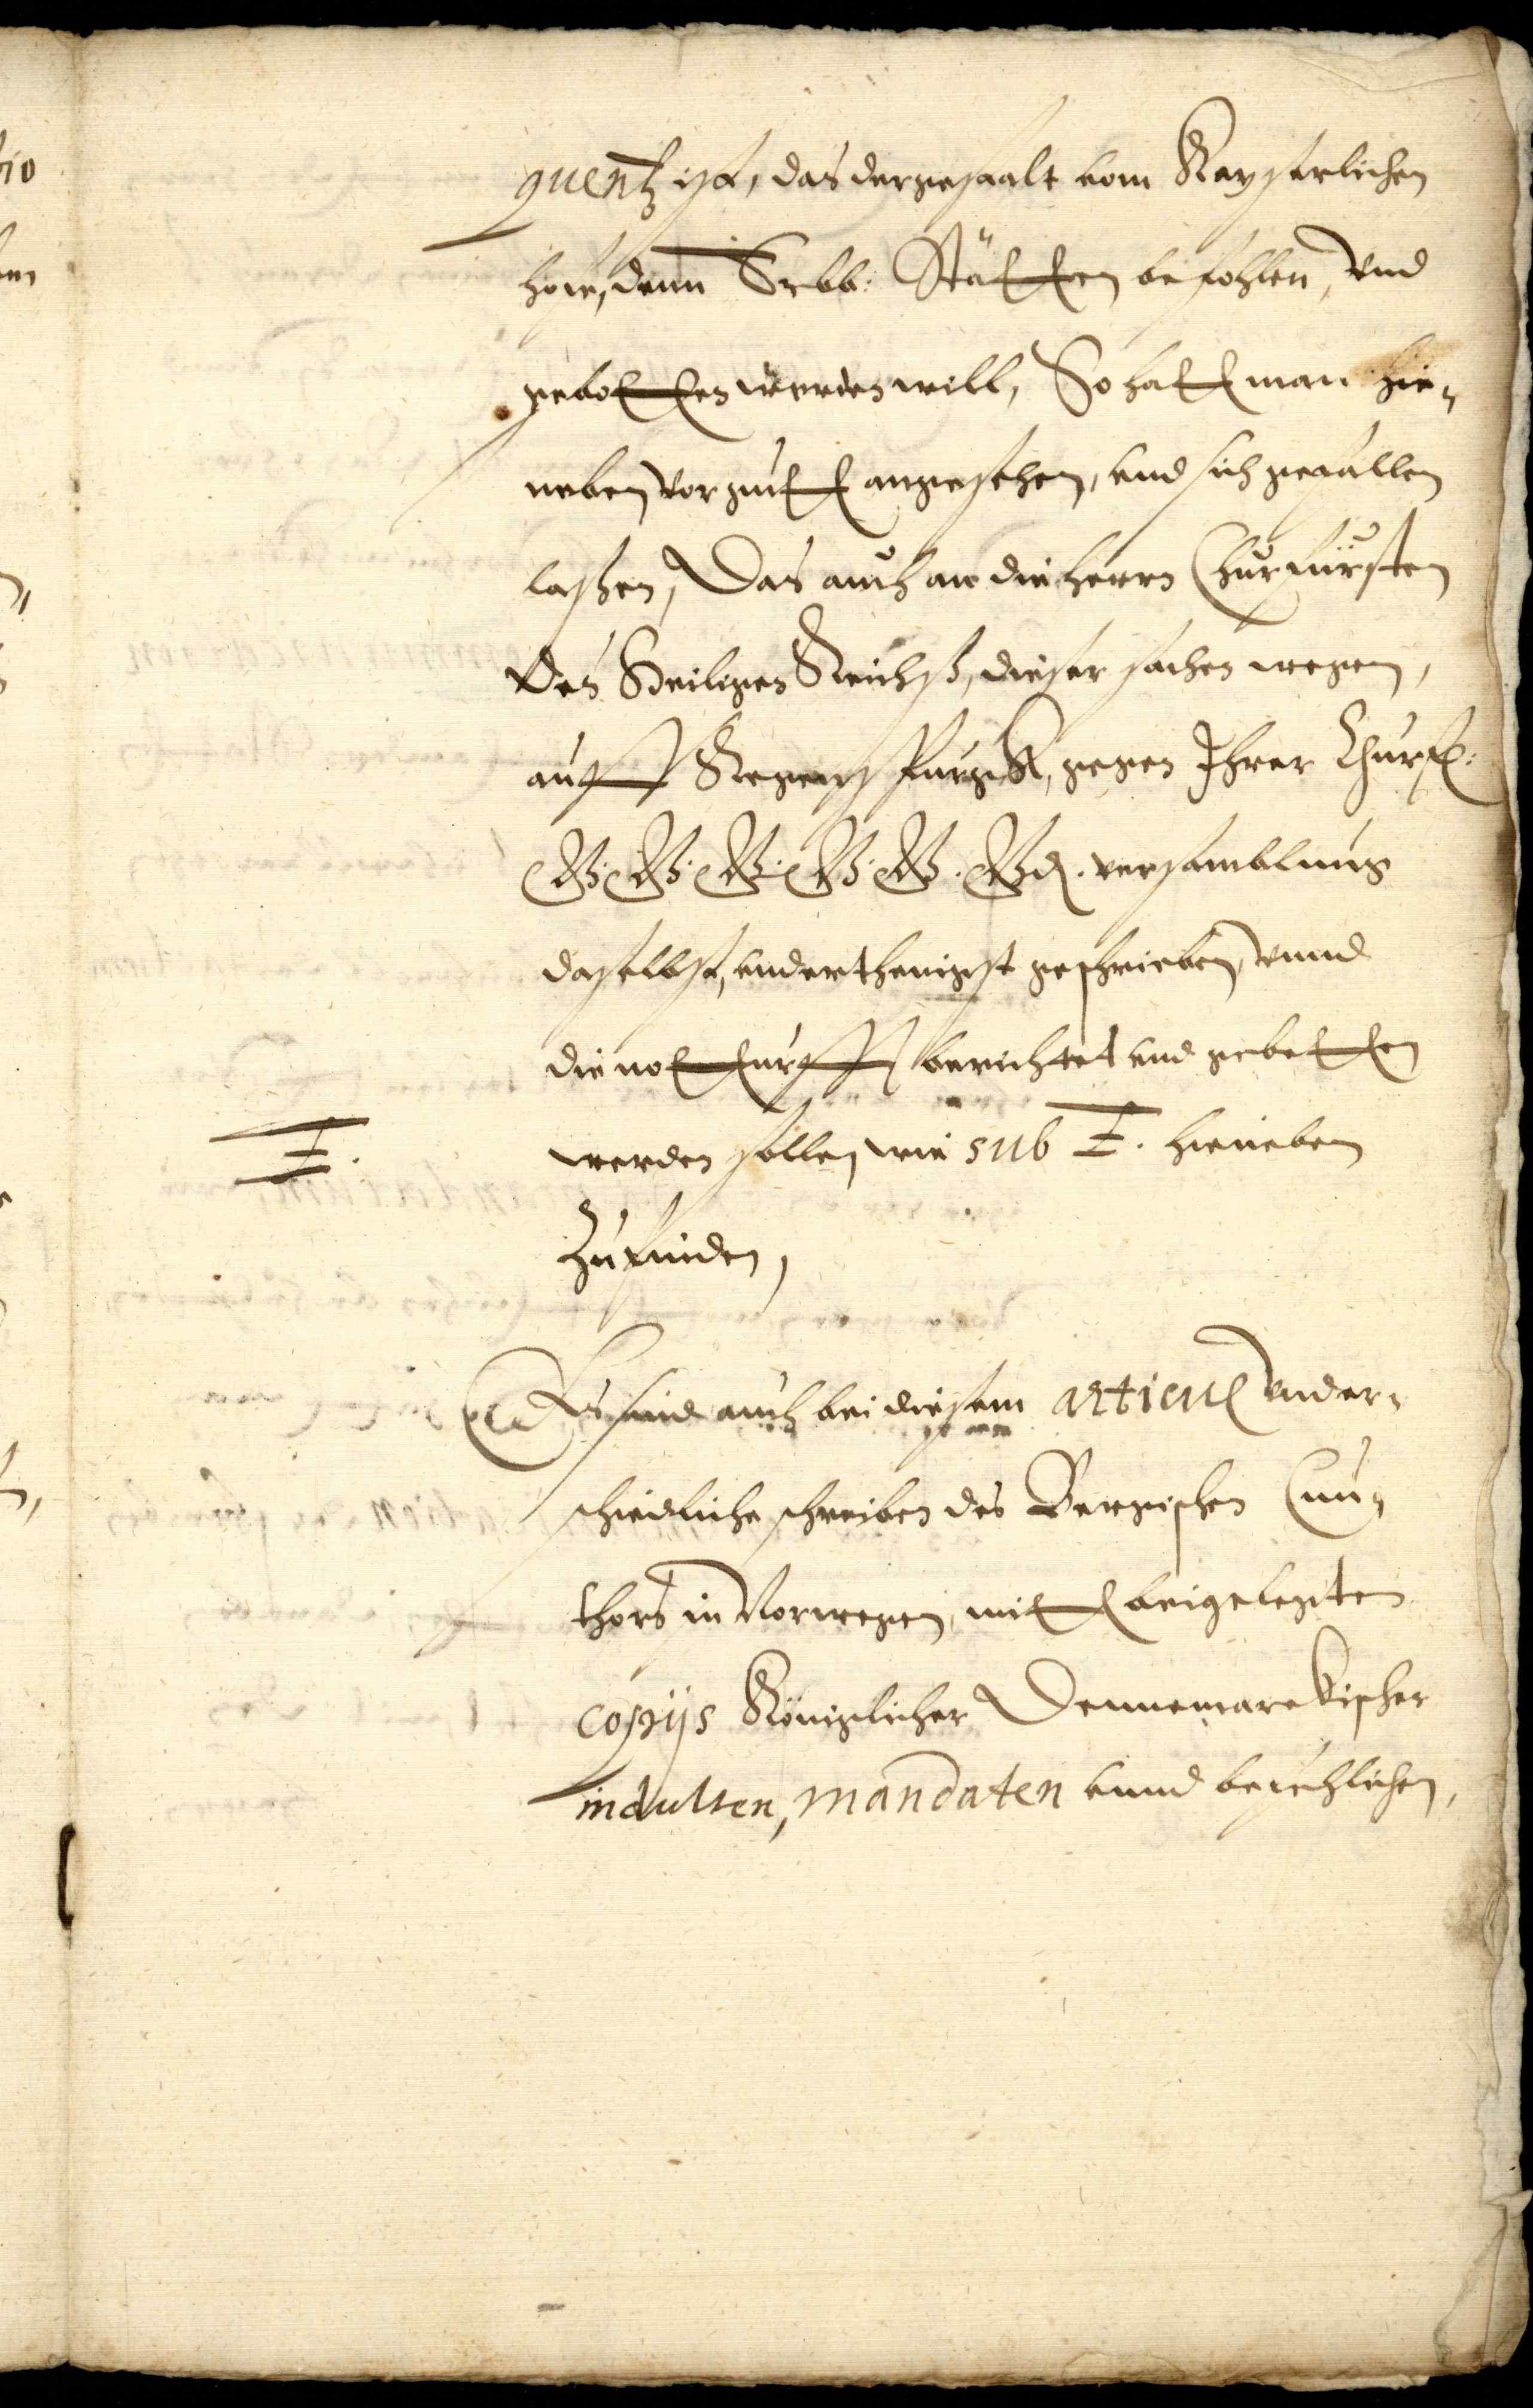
E.
quentz ist, das dergestalt vom Kayserlichen
hofe, denn Erbb: Stätten befohlen, vnd
gebotten werden will, So hatt man hie¬
neben vor gutt angesehen, vnd sich gefallen
laßen, Das auch die herrn Churfürsten
des Heiligen Reichß, dieser sachen wegen,
auff Regenspurgk, gegen Ihrer Churfl:
G. G. G. G. G. Gd. versamblung
daselbst, vnderthenigst geschrieben, Vnnd
die notturfft berichtet vnd gebetten
werden sollen wie sub E. hieneben
Zufinden,
Es sind auch bei diesem articul Vnder¬
schiedliche schreiben des Bergischen Cun¬
thors in Norwegen, mitt beigelegten
copijs Königlicher Dennemarckischer
indulten, mandaten vnnd befehlichen,
